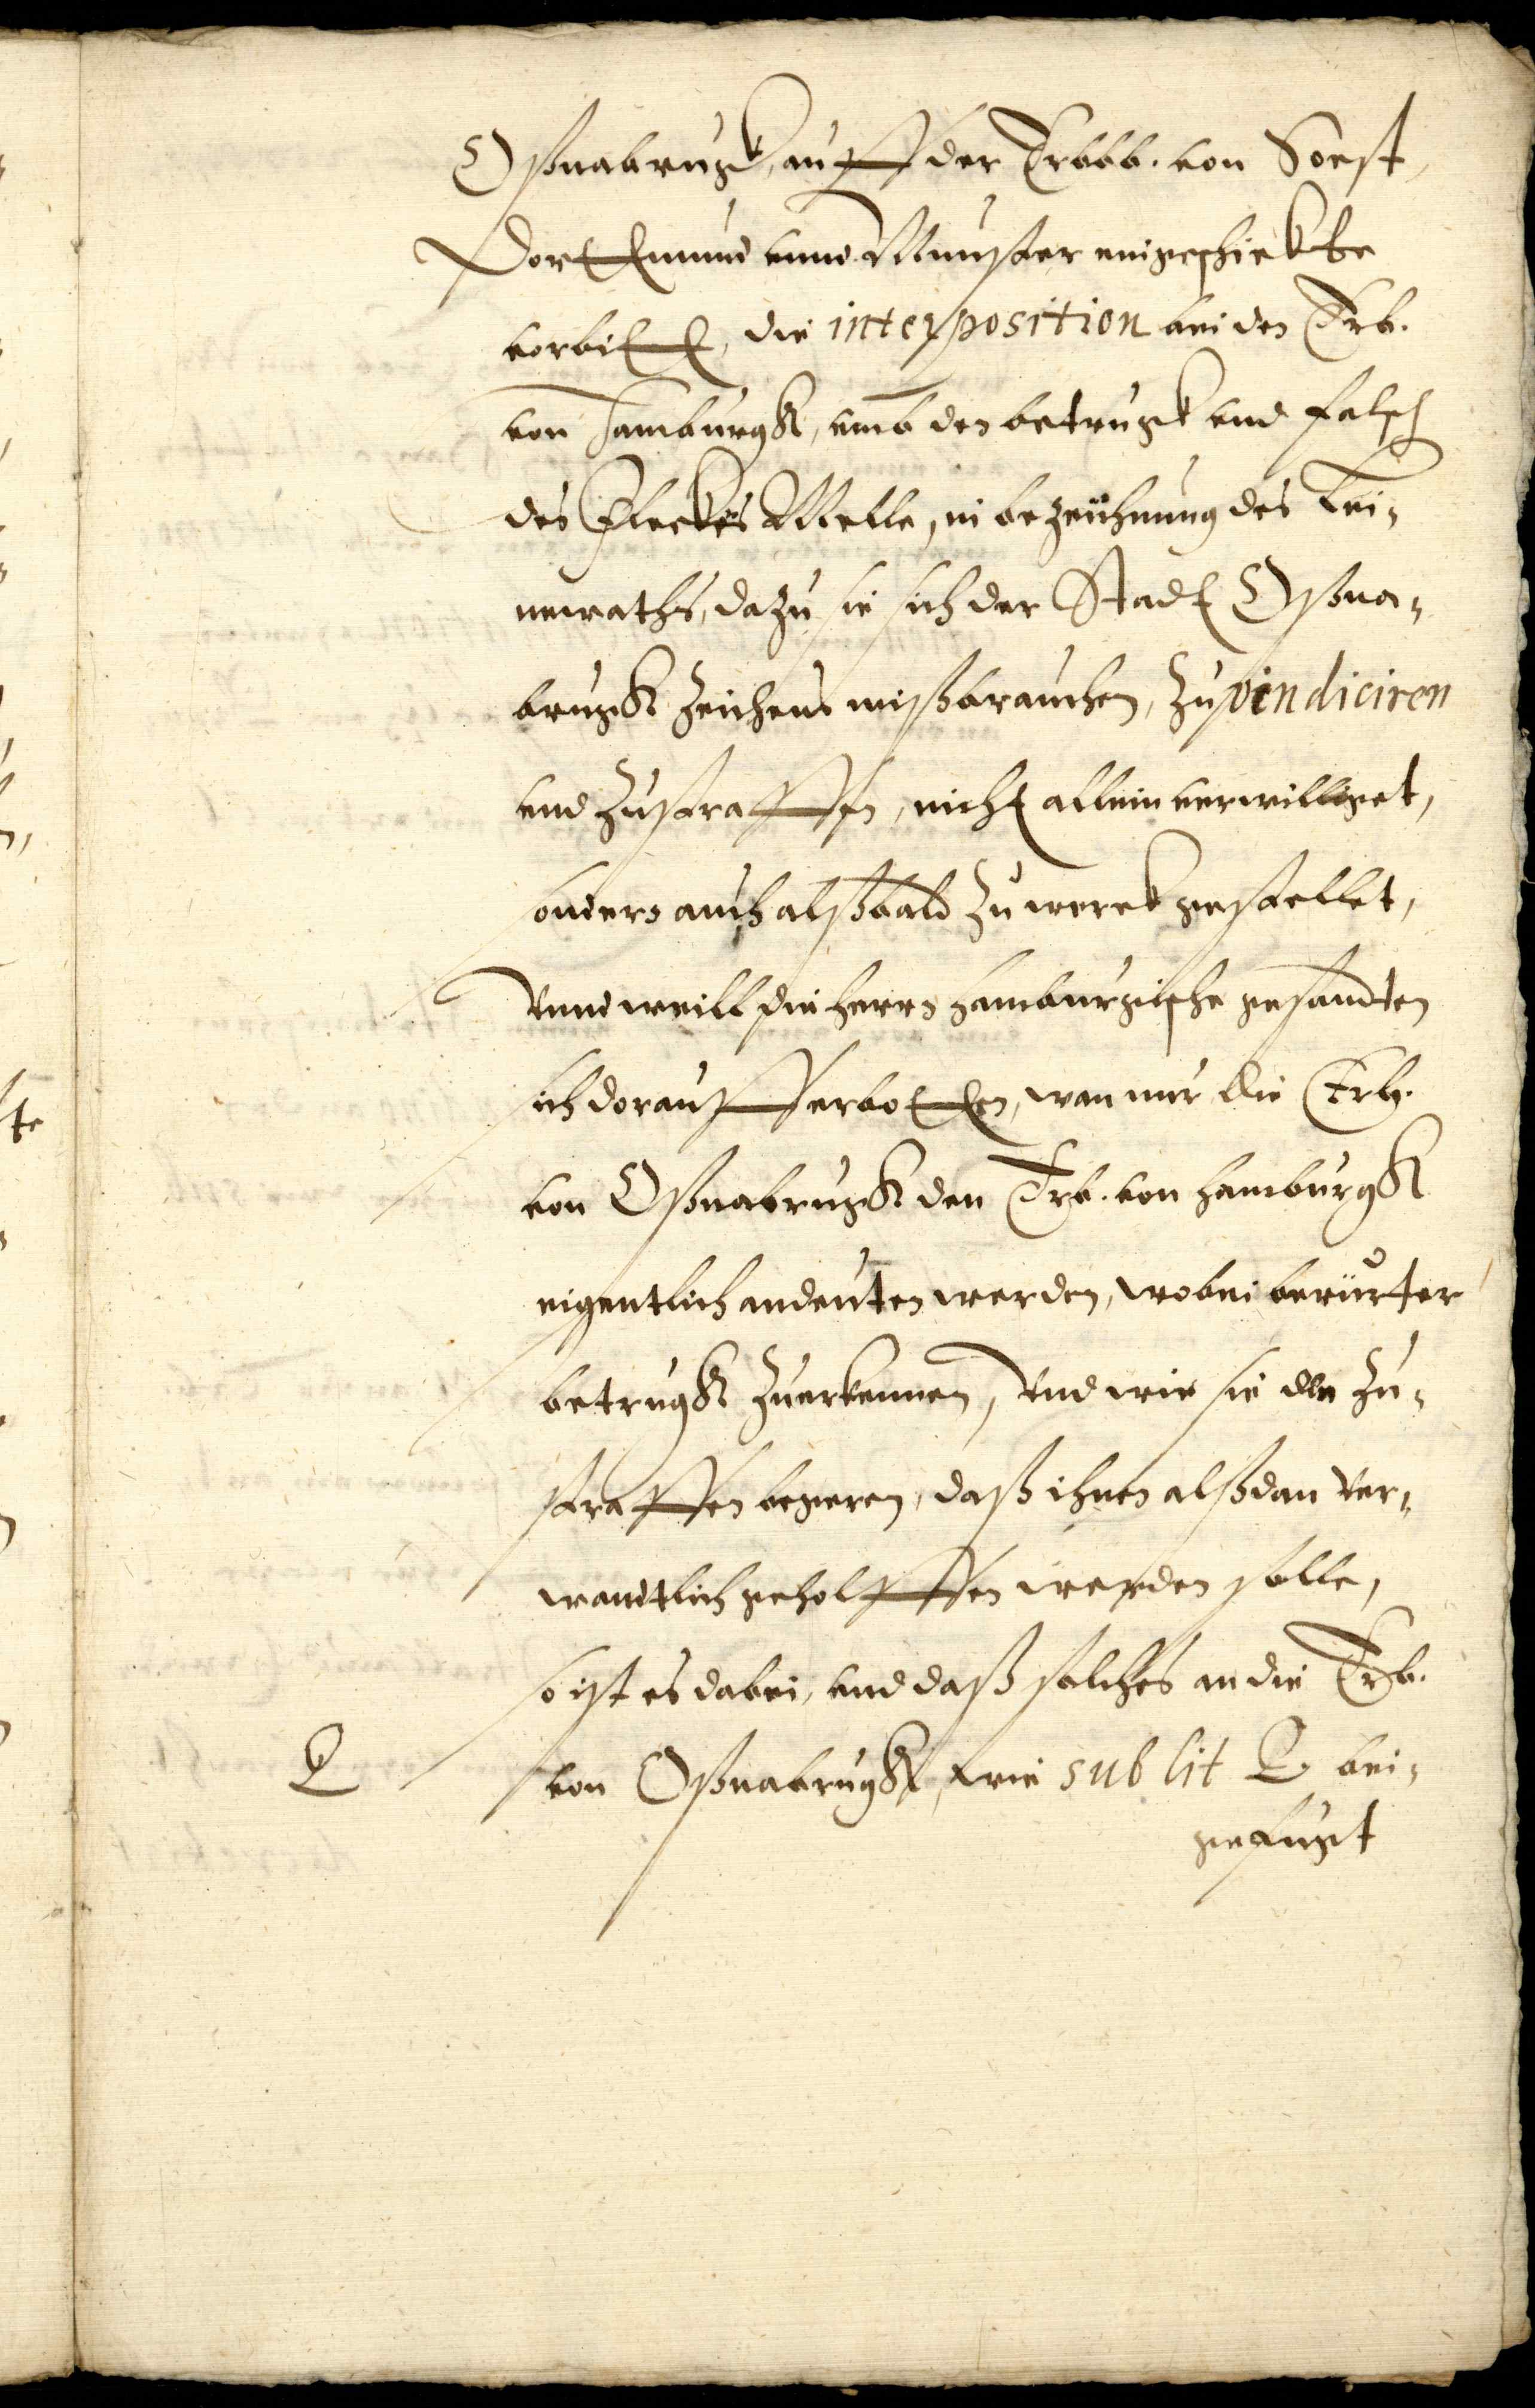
Q
Oßnabrugk, auff der Erbbb. von Soest
Dorttmund vnnd Munster eingeschickte
vorbitt, die interposition bei den Erb.
von hamburgk, vmb den betrugk vnd falsch
des Fleckens Melle, in bezeichnung des Lei¬
nnwaths, daZu sie sich der Stadt Oßna¬
brugk Zeichens mißbrauchen, Zu vindiciren
vnd Zustraffen nicht allein verwilliget,
sondern auch alßbald Zu werck gestellet,
Vnnd weill die herrn hamburgische gesandten
sich dorauff erbotten, wan nur die Erb.
von Oßnabrugk den Erb. von Hamburgk
eigentlich andeuten werden, wobei berürter
betrugk Zuerkennen, Vnd wie sie die Zu¬
straffen begeren, daß ihnen alßdan Ver¬
wandtlich geholffen werden solle,
so ist es dabei, vnd daß solches an die Erb.
von Oßnabrugk, wie sub lit Q bei¬
gefugt
